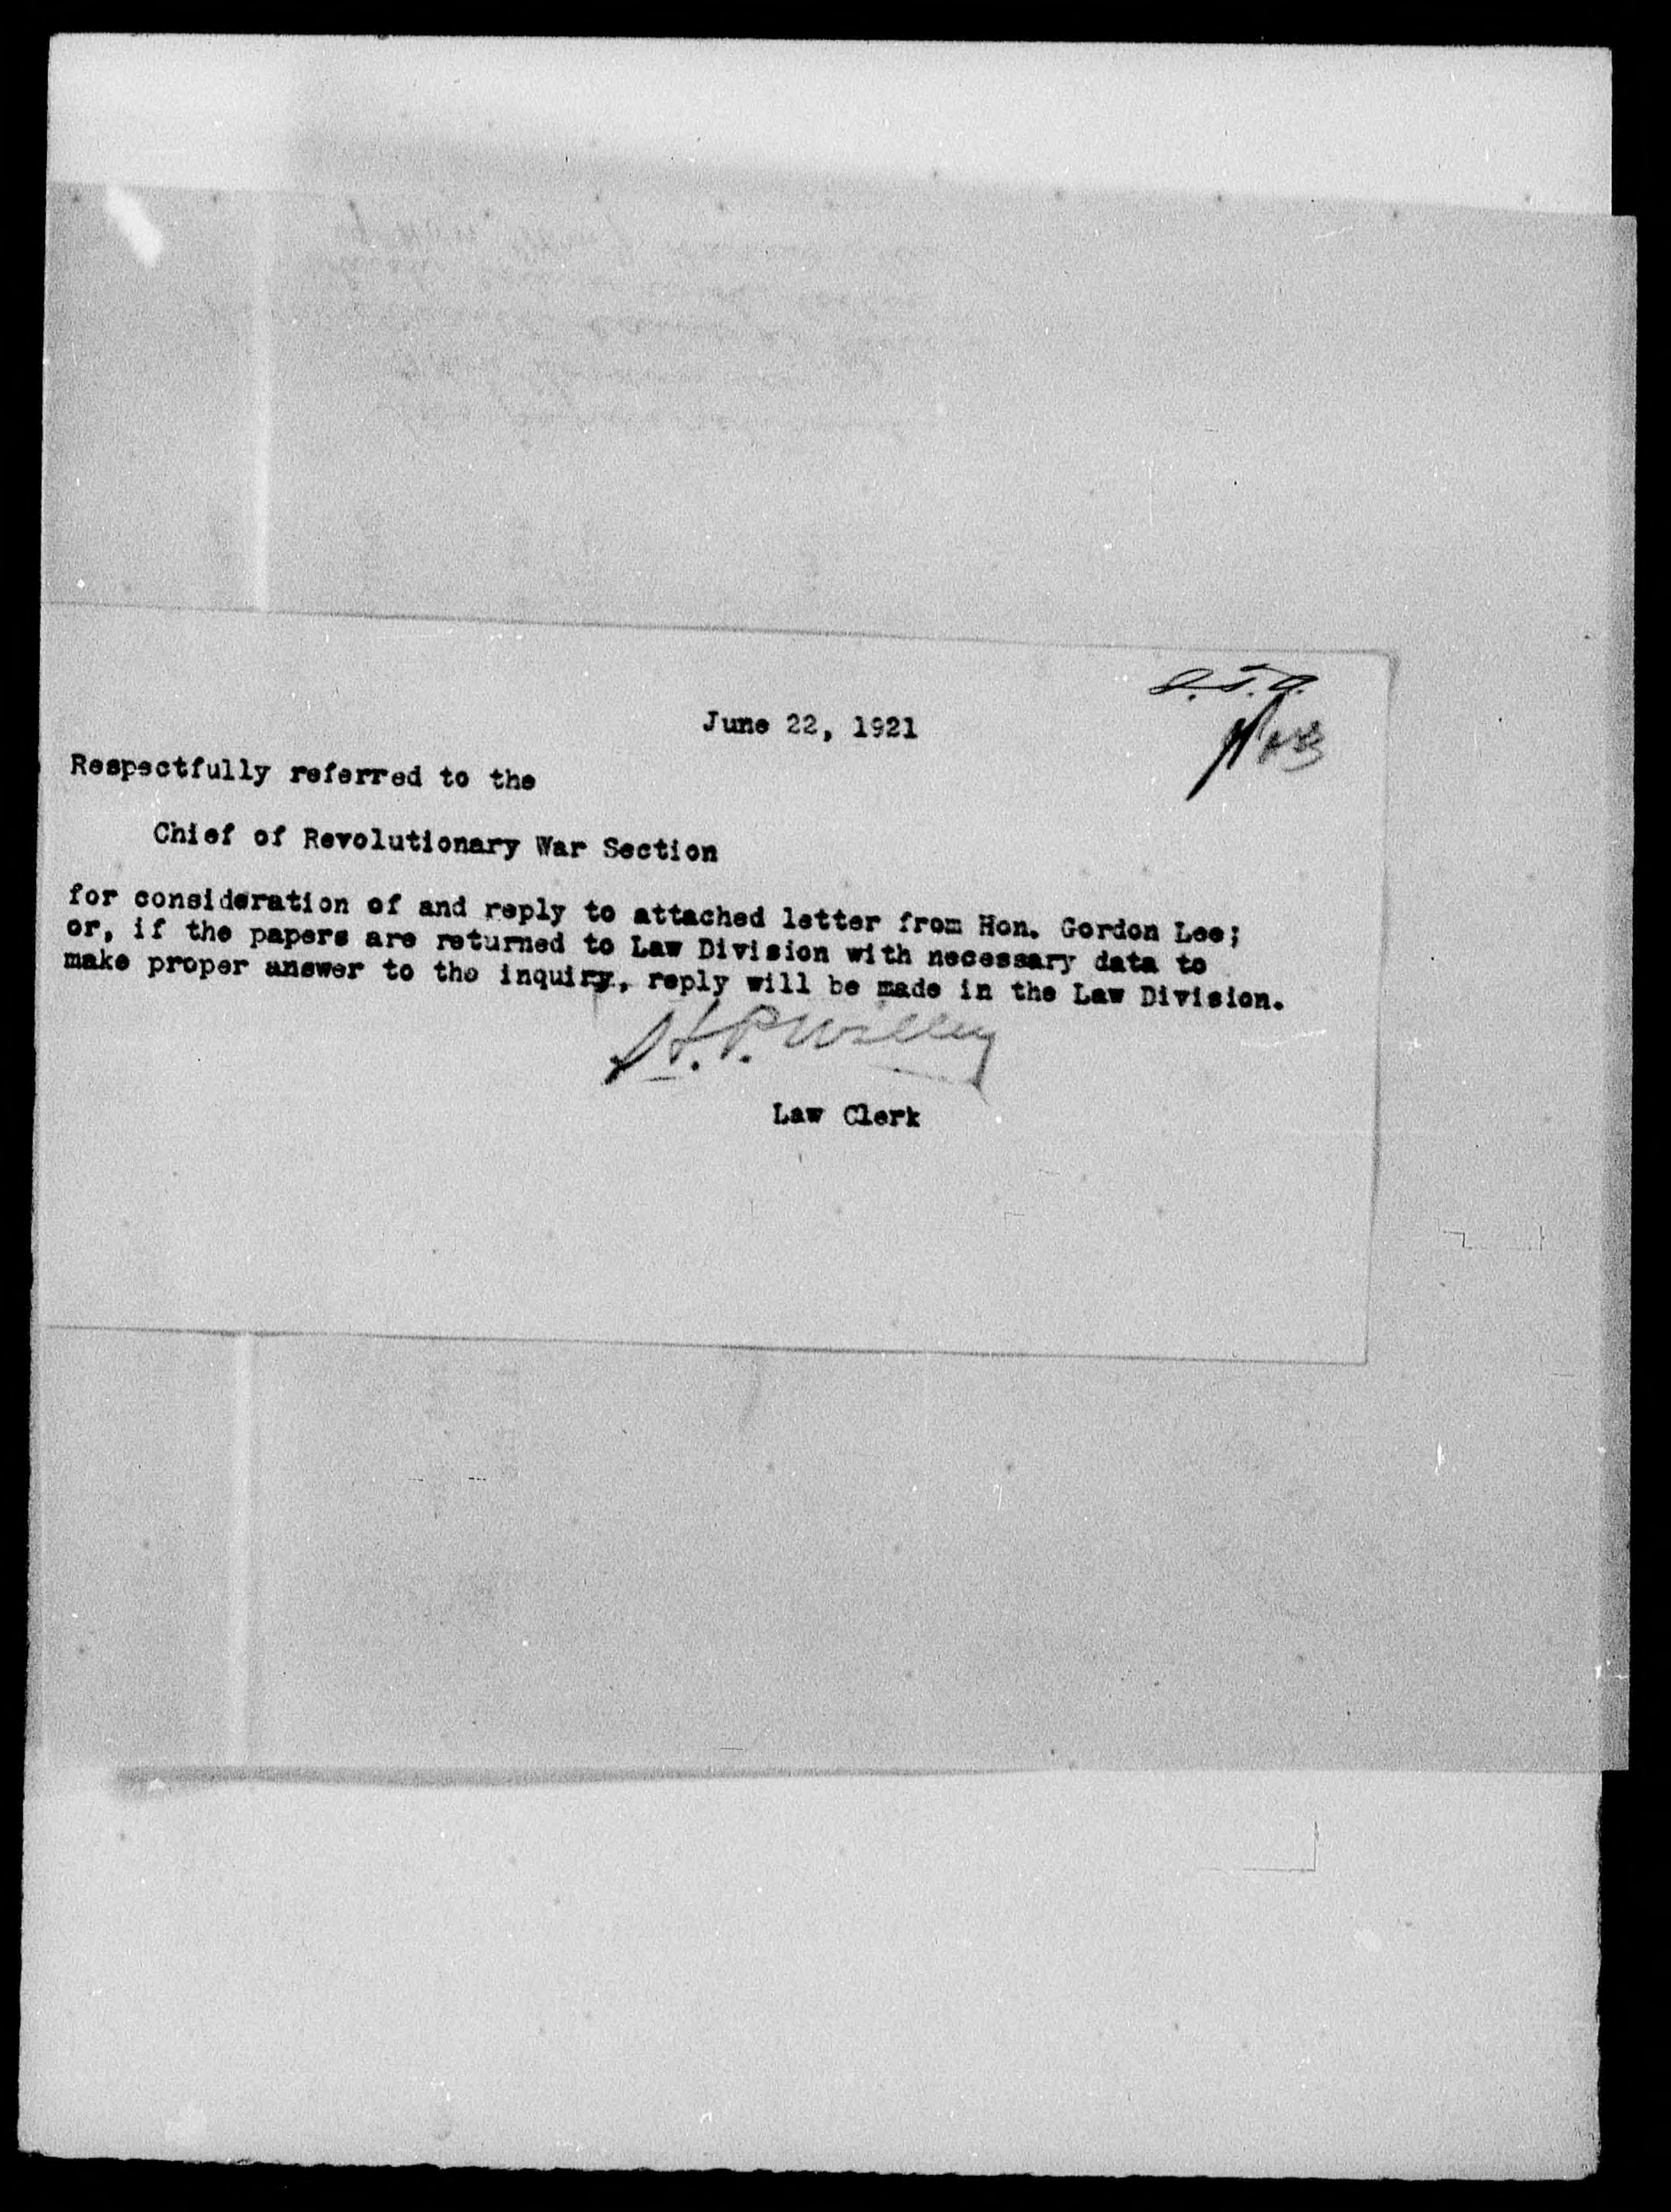June 22, 1921 [illegible]

Respectfully referred to the
Chief of Revolutionary War Section
for consideration of and reply to attached letter from Hon. Gordon Lee; or, if the papers are returned to Law Division with necessary data to make proper answer to the inquiry, reply will be made in Law Division.
[illegible] Willey
Law Clerk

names: Gordon Lee, H P Willey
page: 26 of 32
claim: rejected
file: R. 4655, Jesse Harris, N.C.